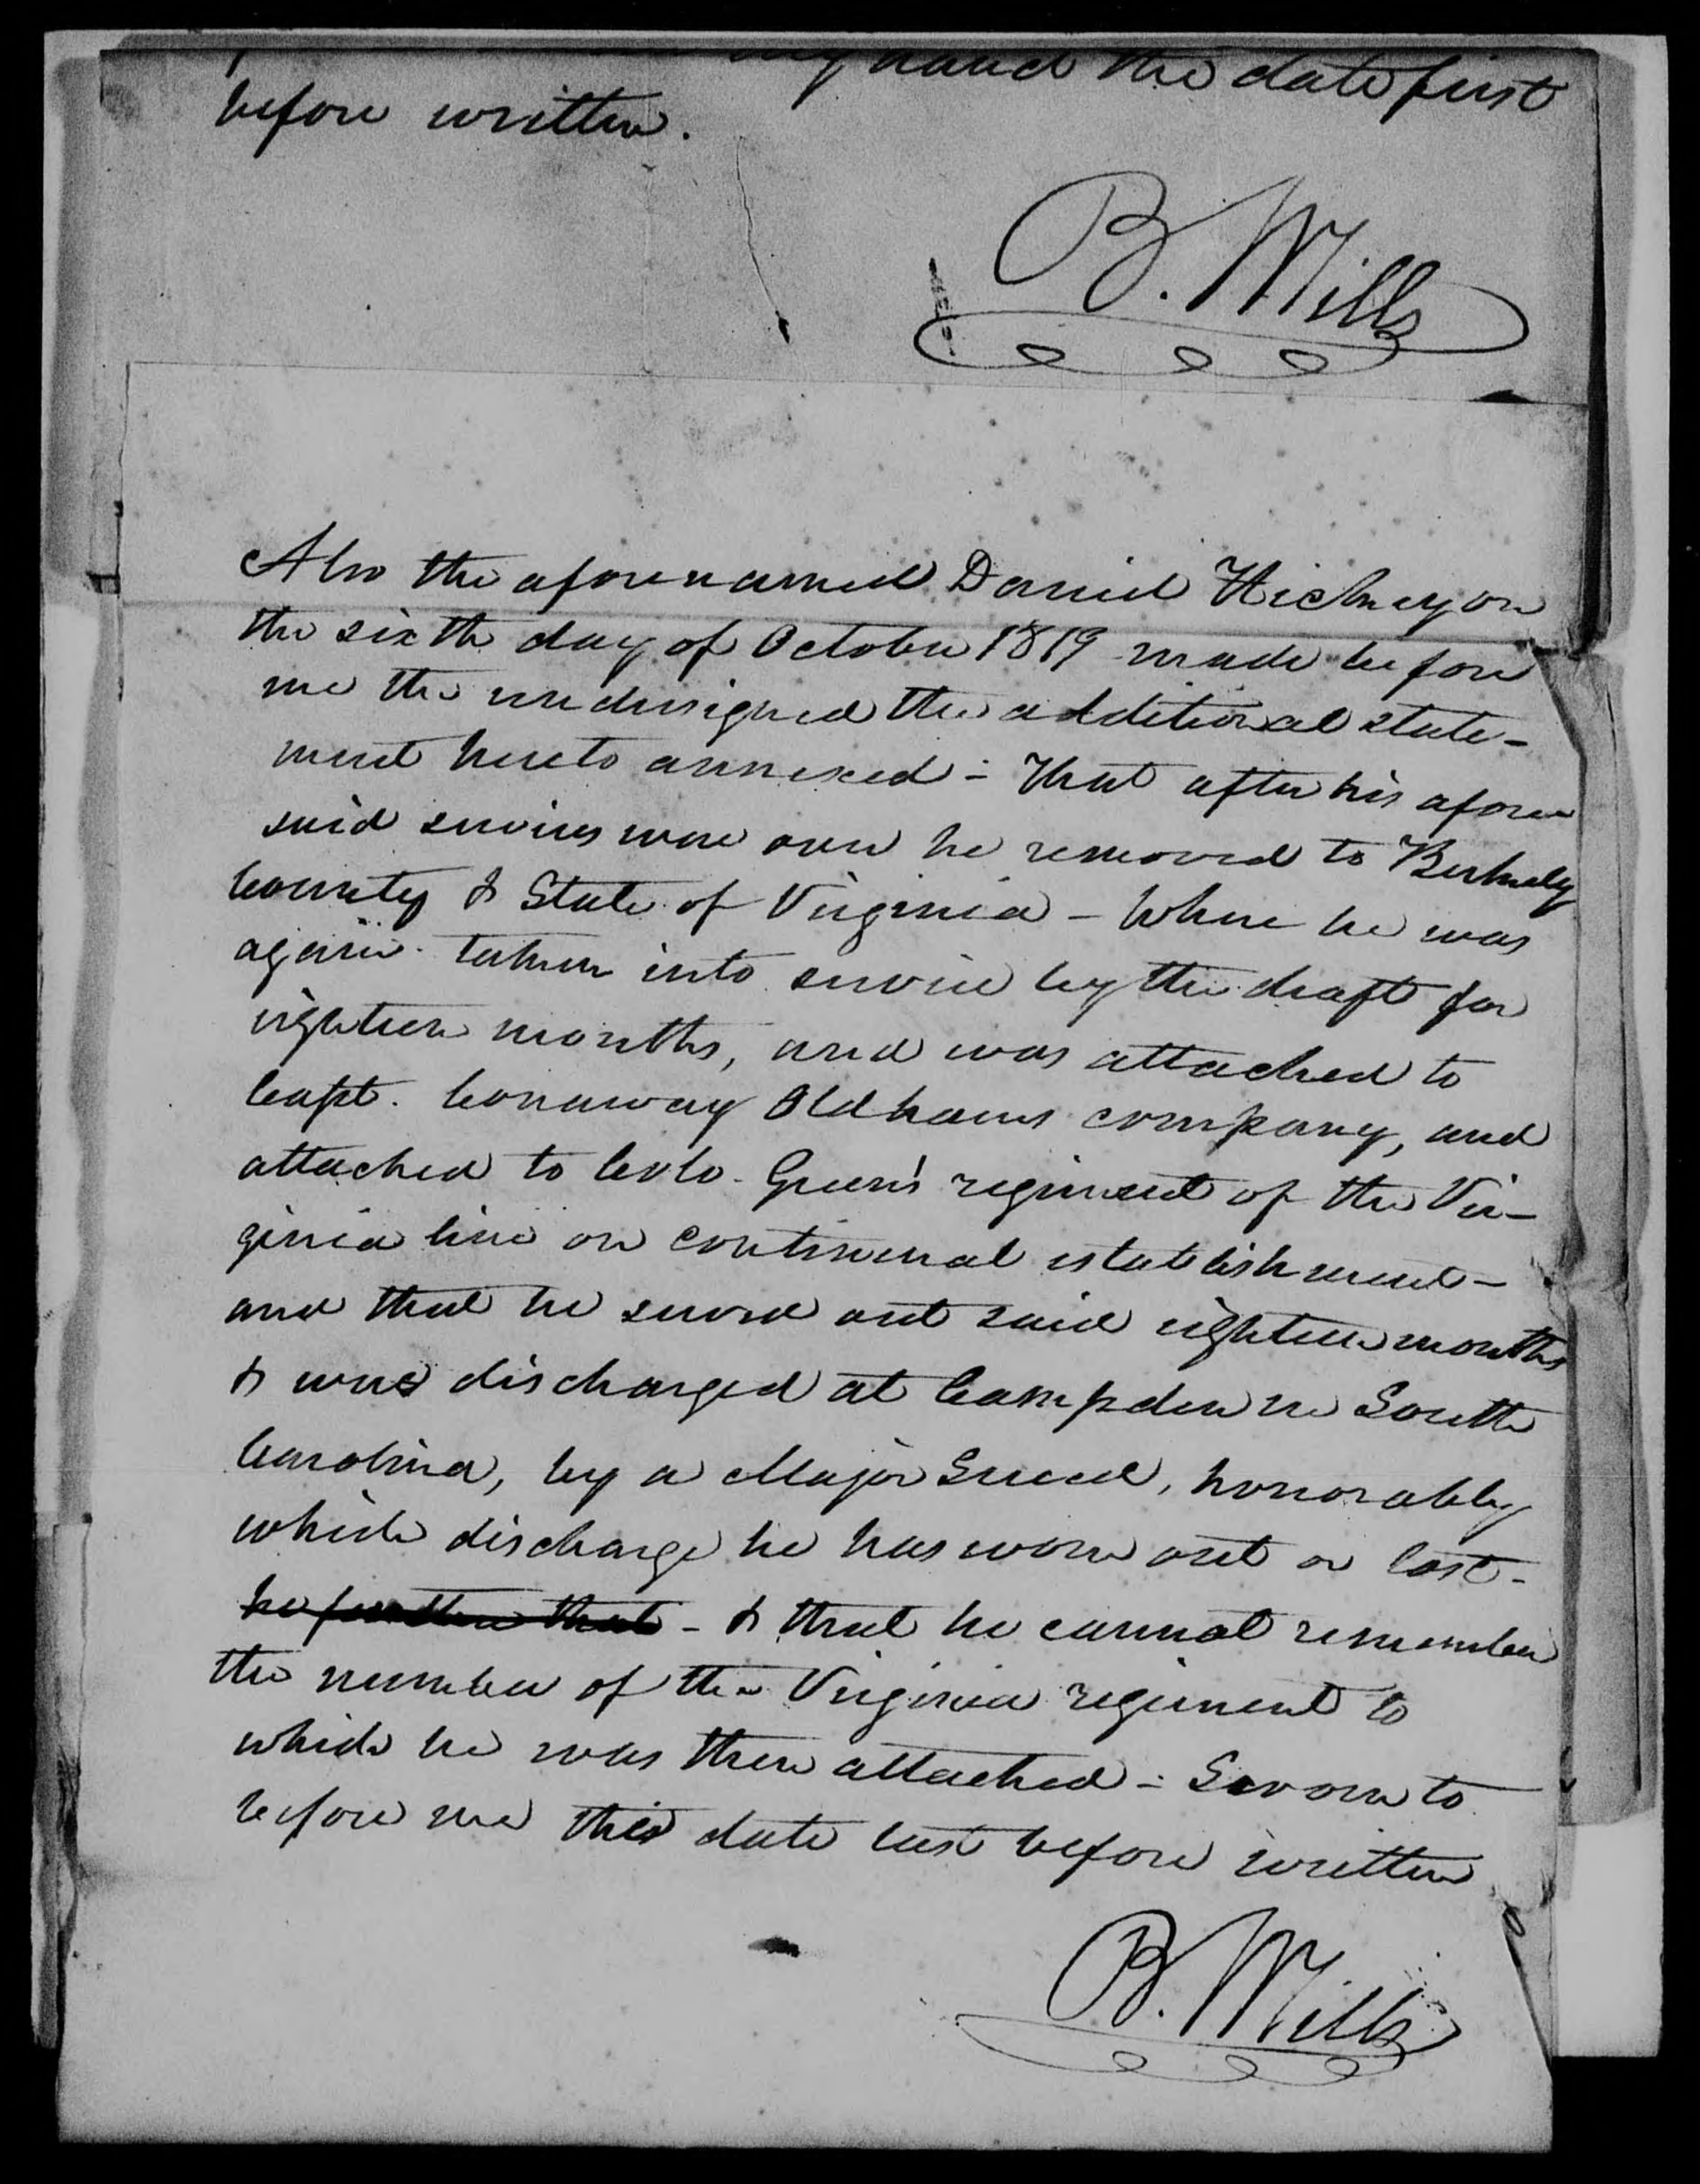hand the date first before written.
B. Mills
Also the aforenamed Daniel Hickey on the
sixth day of October 1819 made before
me the undersigned the additional statement
hereto annexed. That after his aforesaid services were our he removed to Berkely
County & State of Virginia - Where he was
again taken into service by the draft for
eighteen months, and was attached to
Capt. Conaway Oldhams Company, and
attached to Colo Green's regiment of the Virginia line on continual establishment, and
that he served out said eighteen months
& was discharged at Campden [Camden] in South Carolina, by a Major [Griced?], honorably which discharge he has worn out or lost.  & that he cannot remember
the number of the Virginia regiment to
which he was then attached. Sworn to
before me this date last before written
B. Mills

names: B S Wills, Daniel Hickey, B S Hills, Greene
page: 52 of 84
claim: widow's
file: W. 7744, Daniel Hickey, Penn.